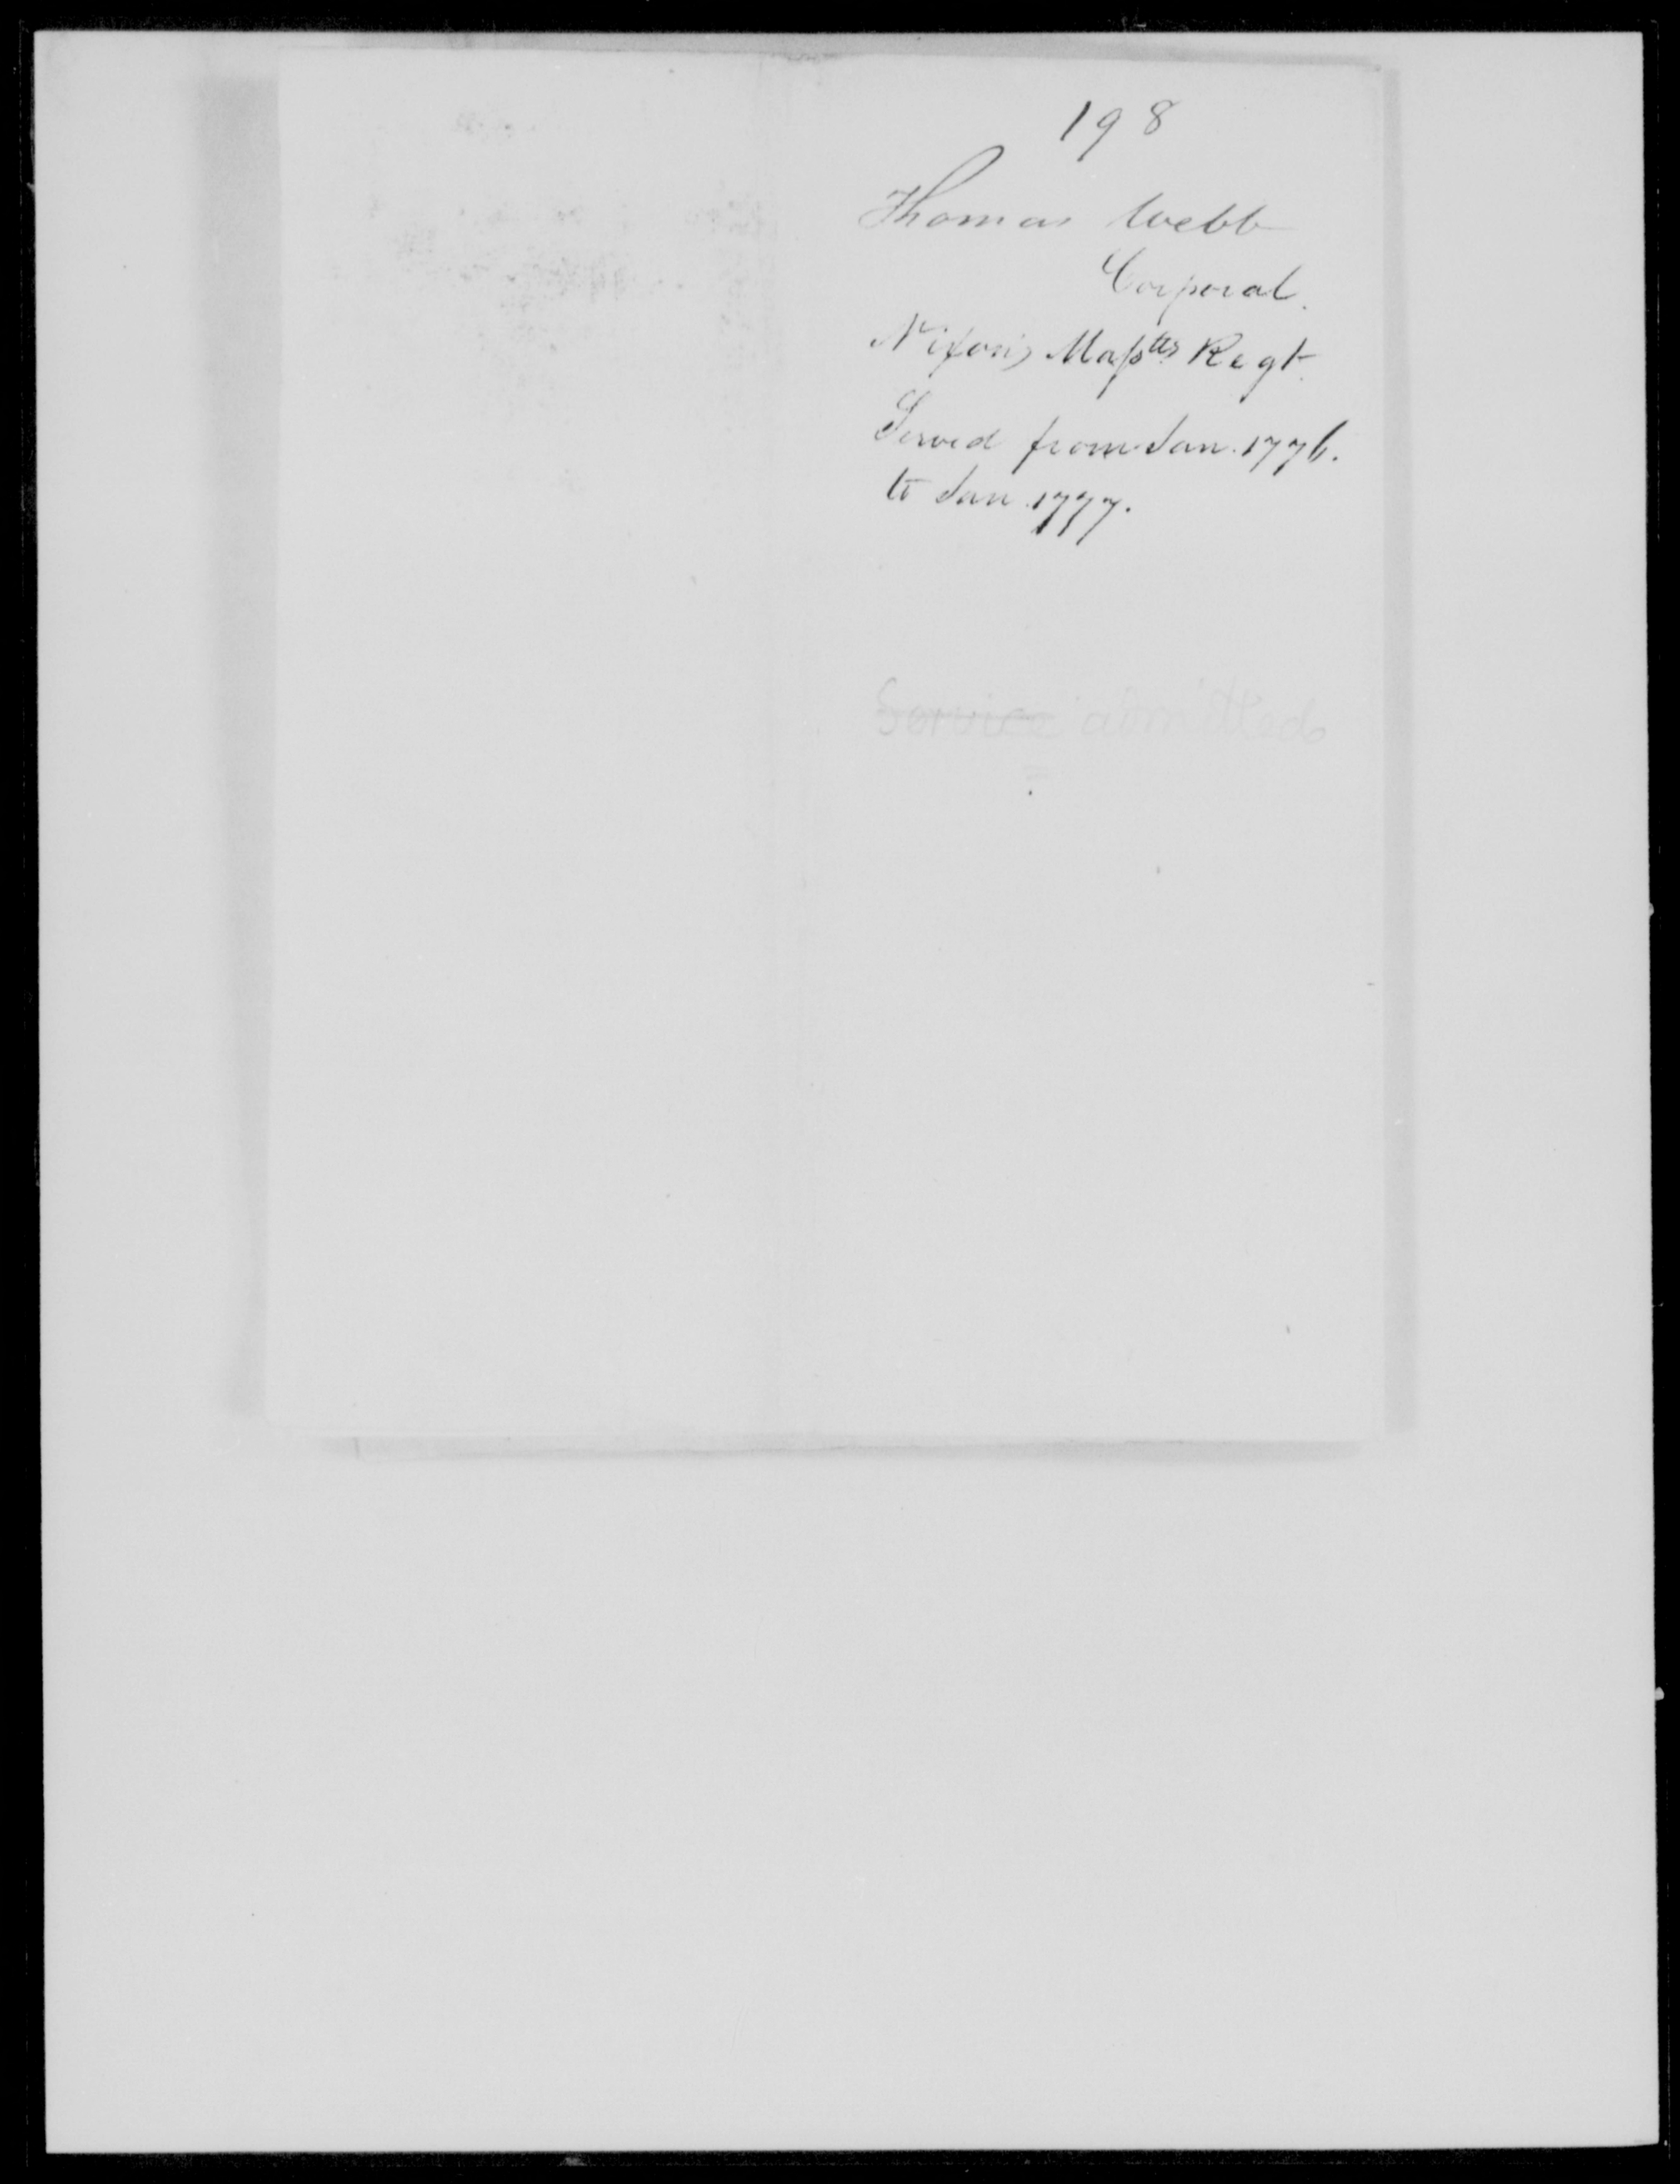198
Thomas Webb Corporal
Nixon's Masstts. Regt.
Served from Jan. 1776 to Jan. 1777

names: Thomas Webb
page: 6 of 14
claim: survivor's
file: S. 33888, Thomas Webb, Mass.